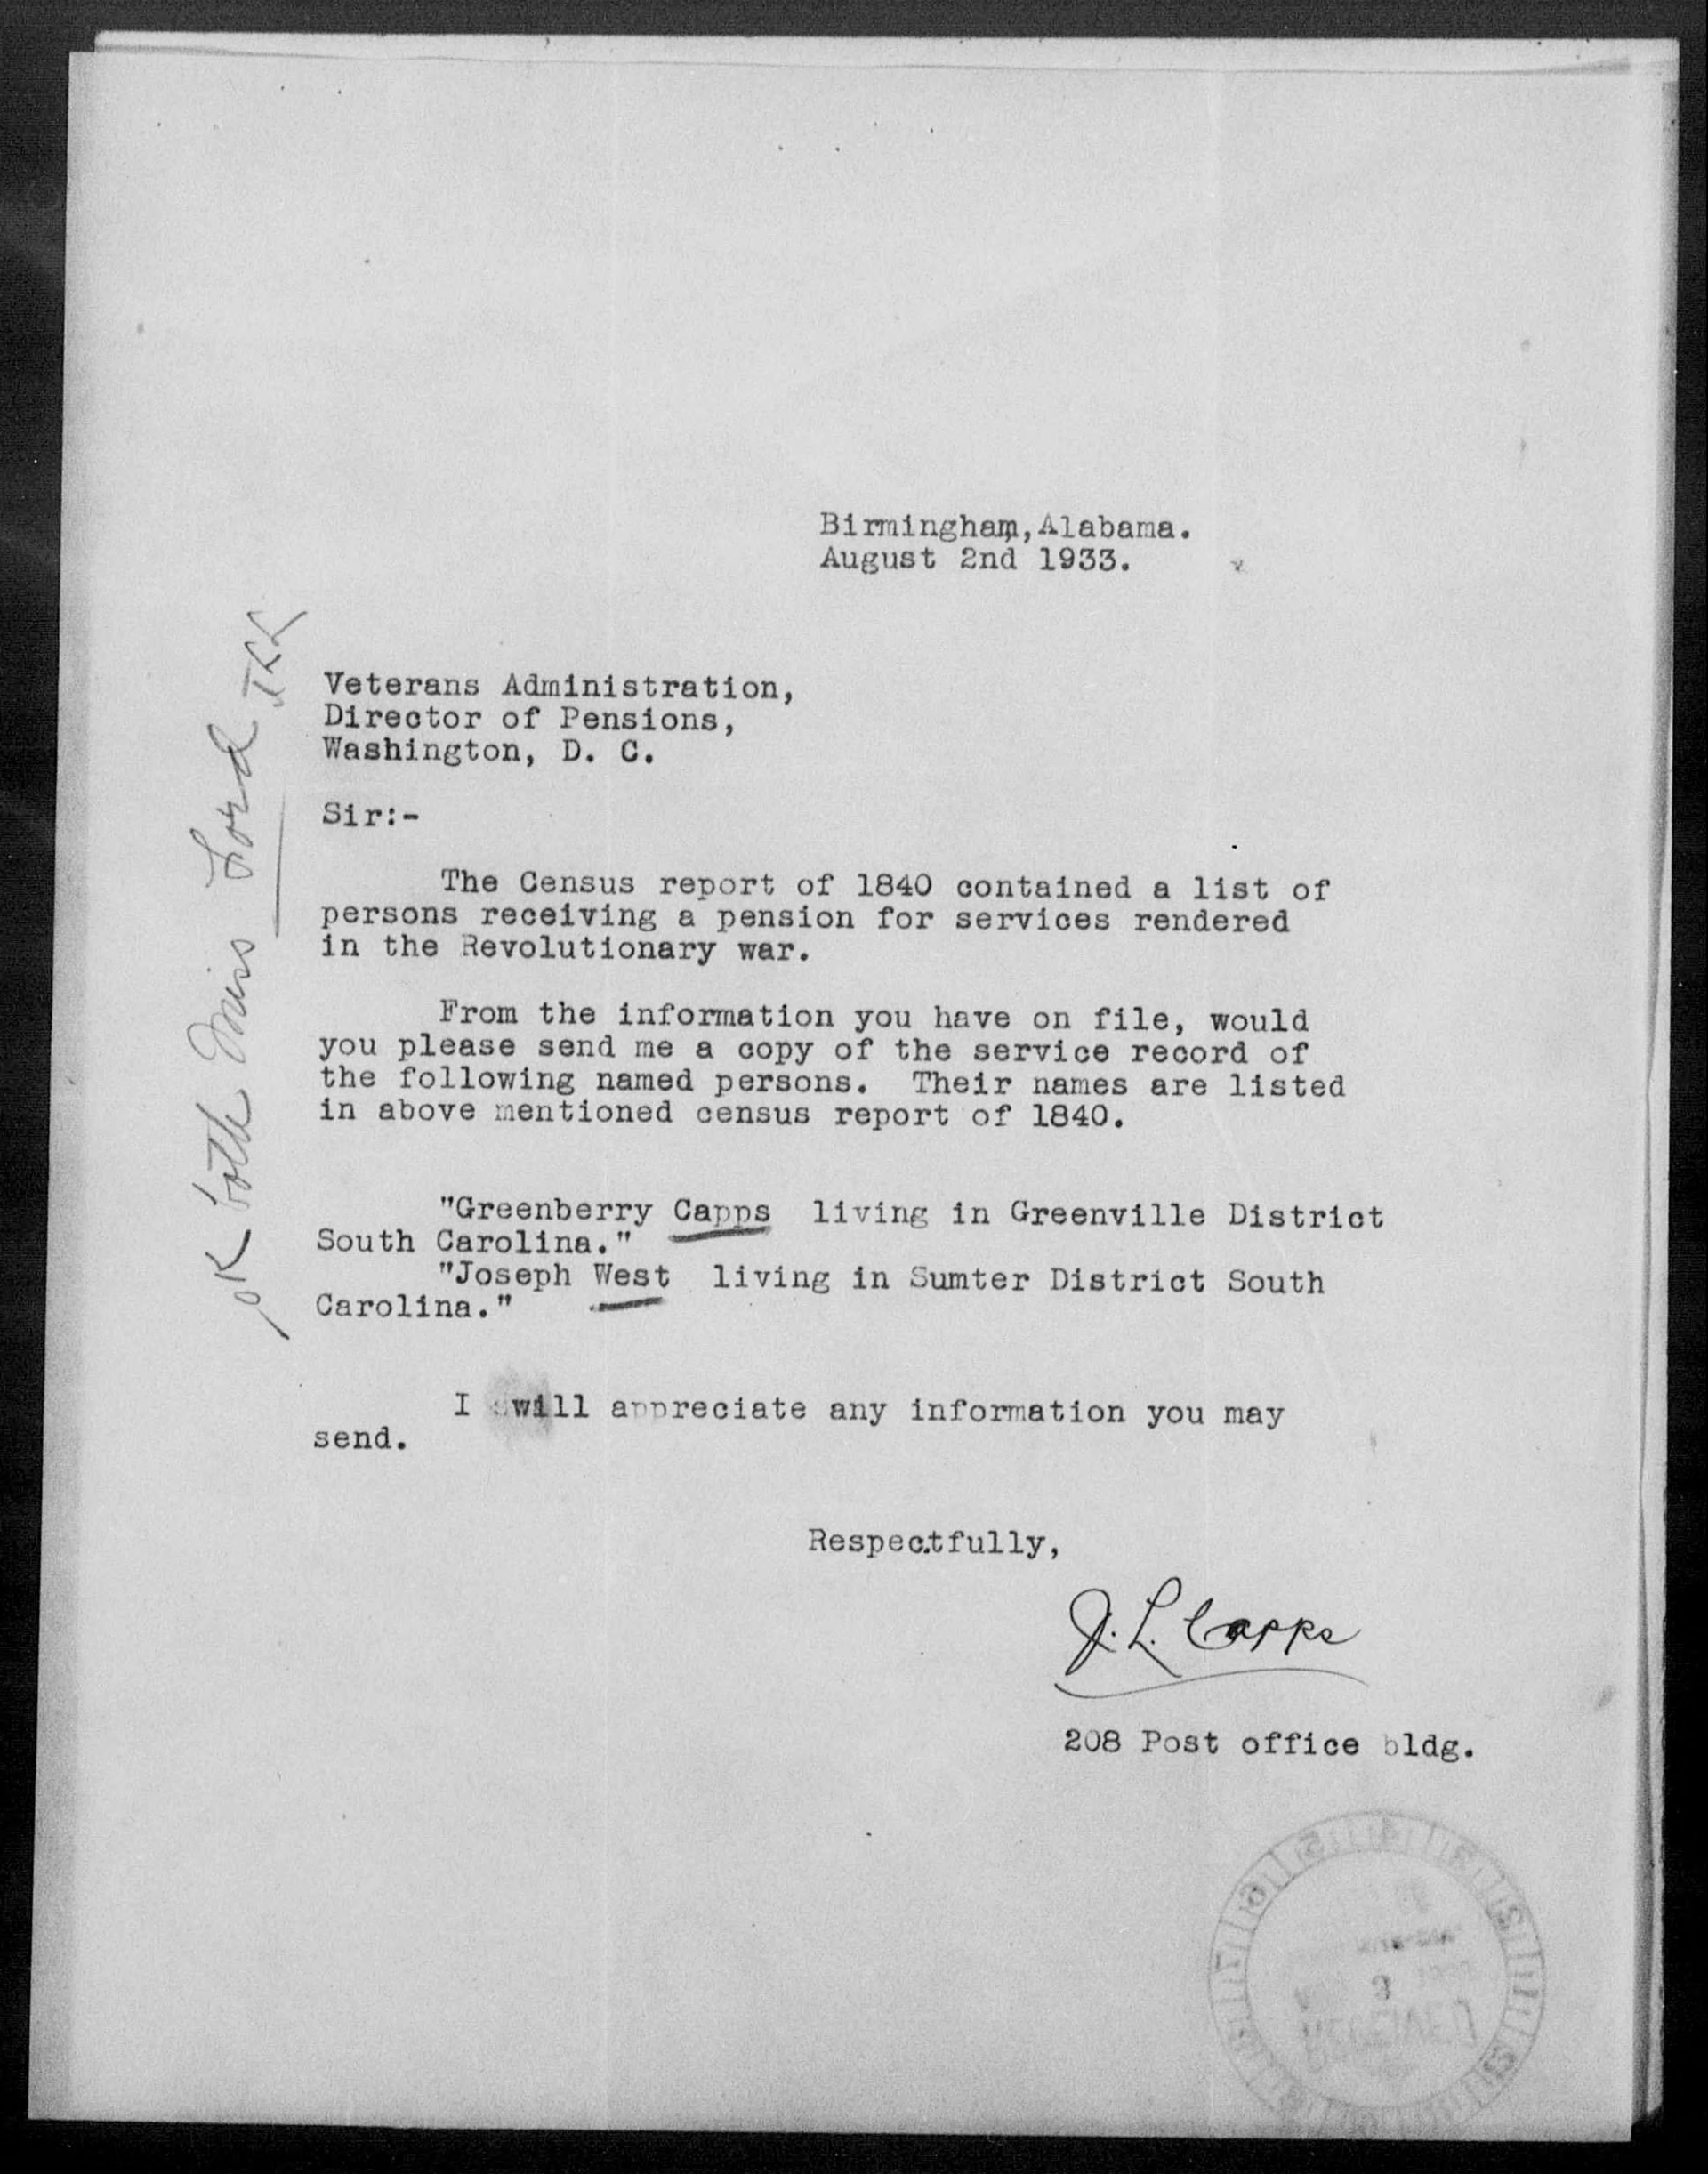Birmingham, Alabama.
August 2nd 1922.
Veterans Administration,
Director of Pensions,
Washington, D.C.

Sir:-

The Census report of 1840 contained a list of persons receiving a pension for services rendered in the Revolutionary war.

From the information you have on file, would you please send me a copy of the service record of the following named persons.  their names are listed in above mentioned census report of 1840.
"Greenberry Capps living in Greenville district South Carolina."
"Joseph West living in Sumter district South Carolina."

I will appreciate any information you may send.
  Respectfully,

J.L Capps [signature]
208 Post office bldg.  
[handwritten on side "-ok both Miss Lord JLL"]

[stamped with date Received -illegible]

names: J L Capps, Lord, Joseph West, Greenberry Capps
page: 20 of 26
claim: survivor's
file: S. 21105, Greenbery Caps, S.C.